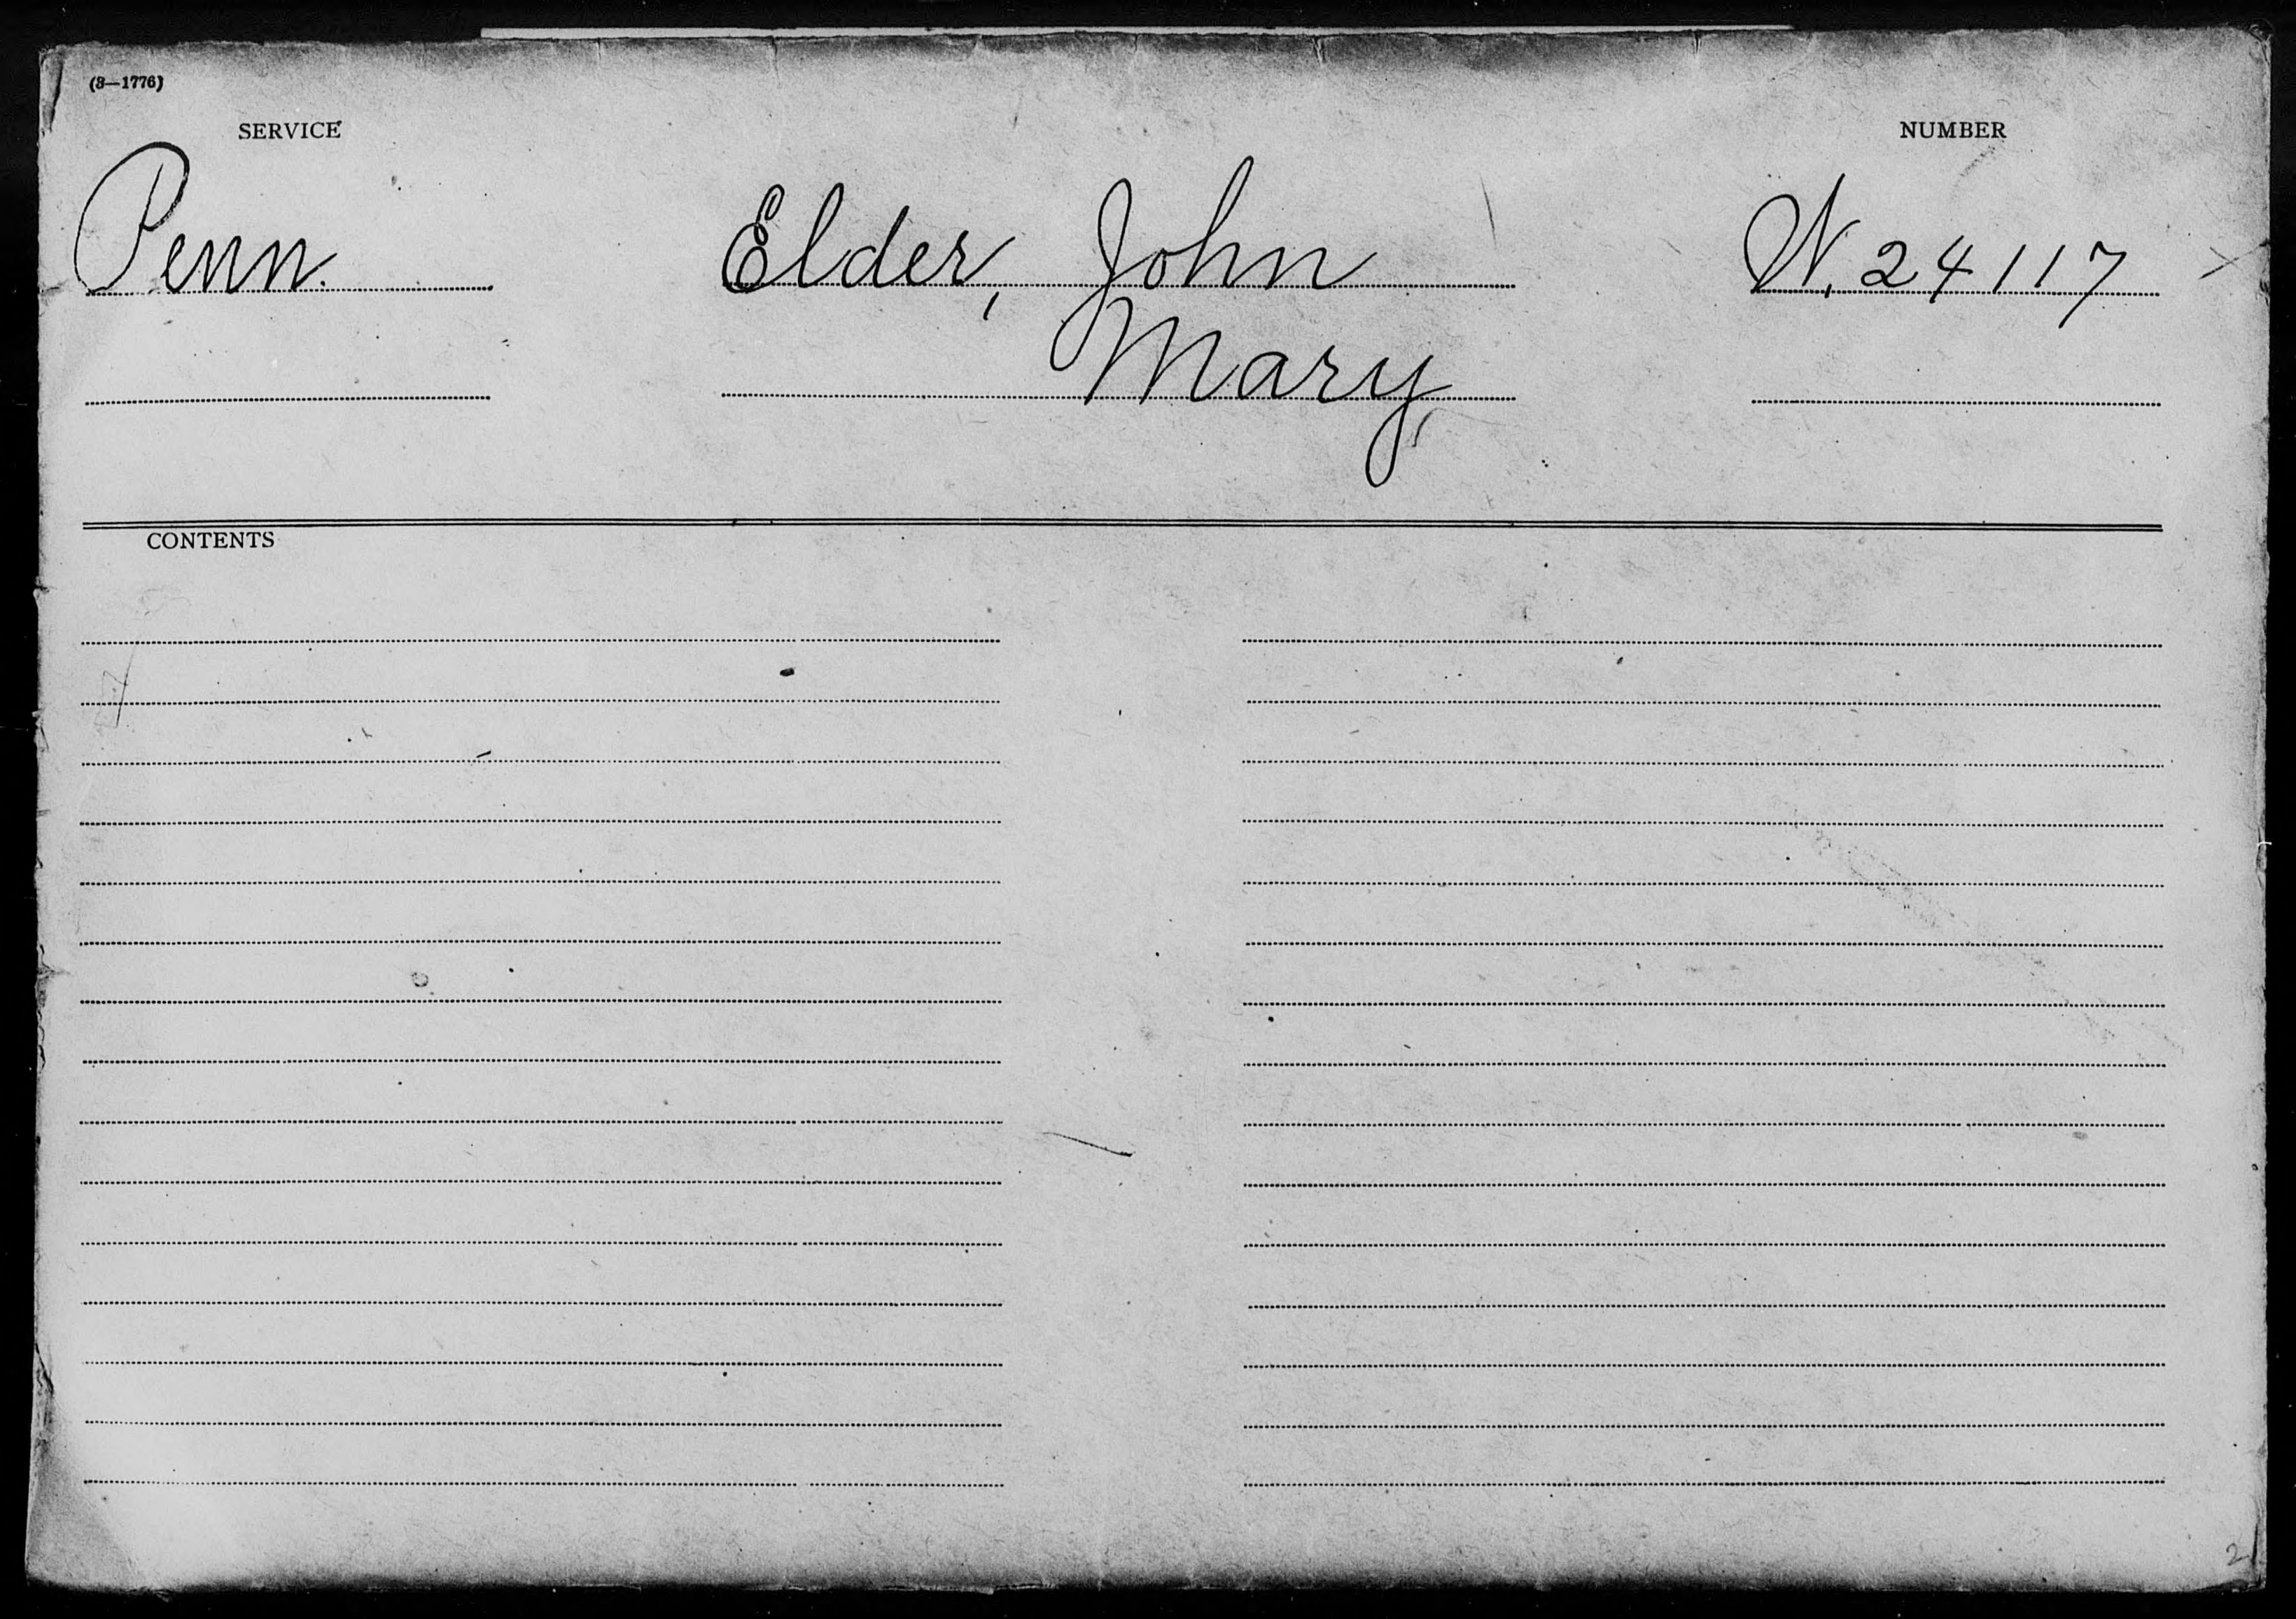(3-1776)

Service
Penn.

Elder, John
         Mary

Number
W.24117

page: 1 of 80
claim: widow's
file: W. 24117, John Elder, Penn.